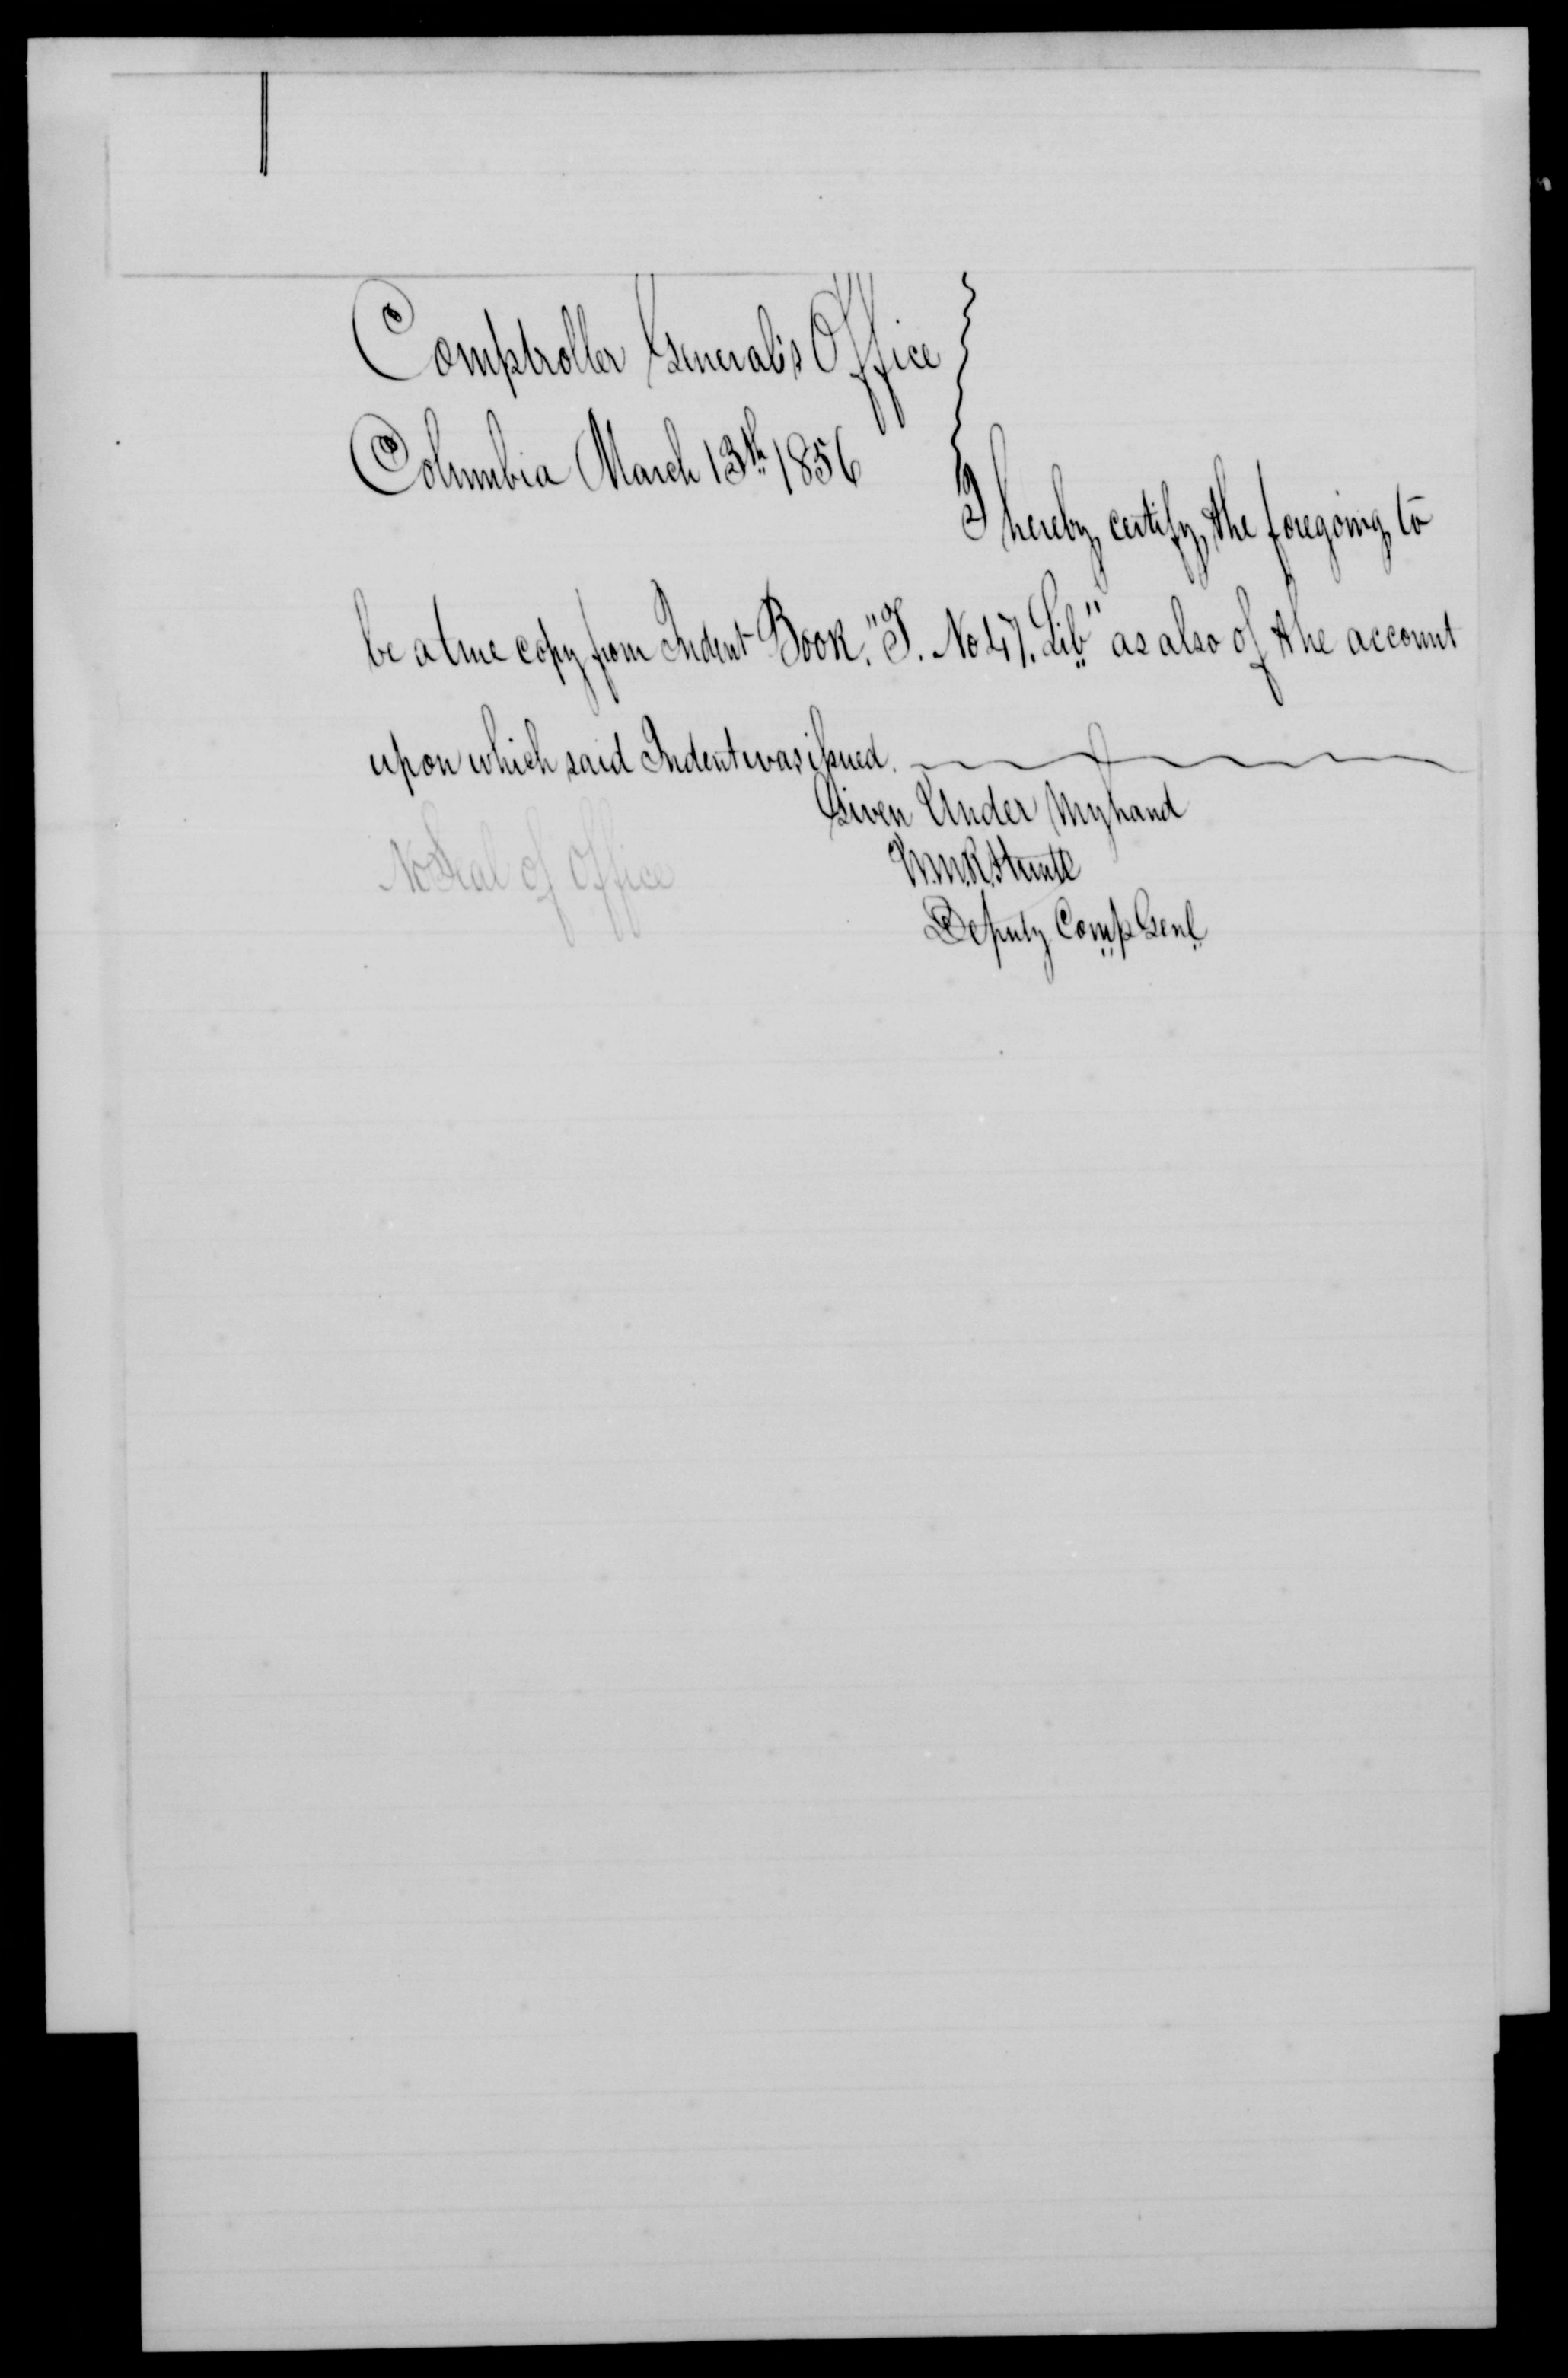Comptroller General's Office
Columbia March 13, 1856

I hereby certify the foregoing to be a true copy from Indent Book T, No 47 Liv as also of the account upon which said Indentures issued.

Given under my hand

Wm R Hung
Deputy Comp Genl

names: Wm R Huntt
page: 17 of 28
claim: rejected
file: R. 9744, for Robert Smith, South Carolina